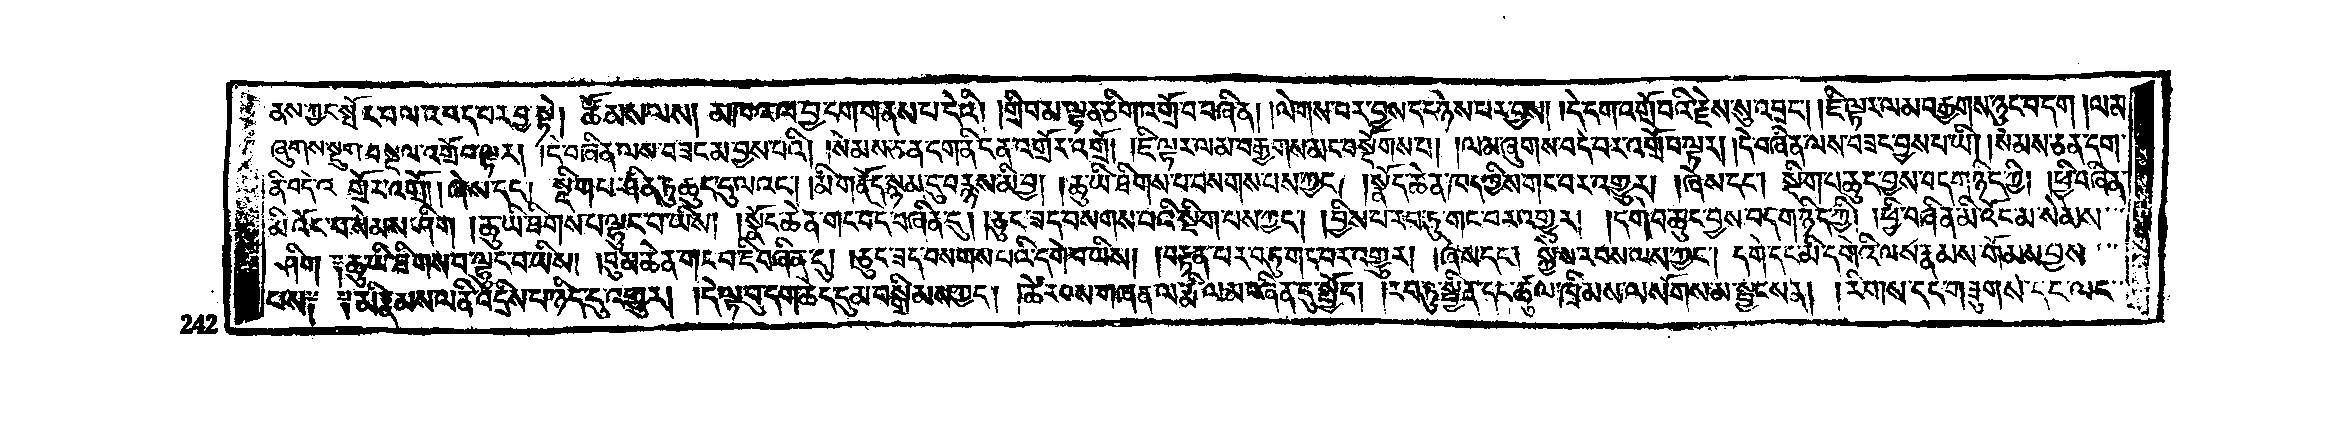ནས་ཀྱང་སྤོང་བ་ལ་འབད་པར་བྱ་སྟེ། ཚོམས་ལས། མཁའ་ལ་བྱ་དག་གནས་པ་དེའི། །གྲིབ་མ་ལྷན་ཅིག་འགྲོ་བ་བཞིན། །ལེགས་པར་བྱས་དང་ཉེས་པར་བྱས། །དེ་དག་འགྲོ་བའི་རྗེས་སུ་འབྲང་། །ཇི་ལྟར་ལམ་བརྒྱགས་ཉུང་བདག །ལམ་
ཞུགས་སྡུག་བསྔལ་འགྲོ་བ་ལྟར། །དེ་བཞིན་ལས་བཟང་མ་བྱས་པའི། །སེམས་ཅན་དག་ནི་ངན་འགྲོར་འགྲོ། །ཇི་ལྟར་ལམ་བརྒྱགས་མང་བསྡོགས་པ། །ལམ་ཞུགས་བདེ་བར་འགྲོ་བ་ལྟར། །དེ་བཞིན་ལས་བཟང་བྱས་པ་ཡི། །སེམས་ཅན་དག་
ནི་བདེ་འགྲོར་འགྲོ། །ཞེས་དང་། སྡིག་པ་ཤིན་ཏུ་ཆུང་ངུ་ལའང་། །མི་གནོད་སྙམ་དུ་བརྙས་མི་བྱ། །ཆུ་ཡི་ཐིགས་པ་བསགས་པས་ཀྱང་། །སྣོད་ཆེན་ཁང་ཀྱིས་གང་བར་འགྱུར། །ཞེས་དང་། སྡིག་པ་ཆུང་བྱས་བདག་ཉིད་ཀྱི། །ཕྱི་བཞིན་
མི་འོང་མ་སེམས་ཤིག །ཆུ་ཡི་ཐིགས་པ་ལྷུང་བ་ཡིས། །སྣོད་ཆེན་གང་བ་དེ་བཞིན་དུ། །ཅུང་ཟད་བསགས་པའི་སྡིག་པས་ཀྱང་། །བྱིས་པ་རབ་ཏུ་གང་བར་འགྱུར། །དགེ་བ་ཆུང་བྱས་བདག་ཉིད་ཀྱི། །ཕྱི་བཞིན་མི་འོང་མ་སེམས་
ཤིག ༑ཆུ་ཡི་ཐིགས་པ་ལྷུང་བ་ཡིས། །བུམ་ཆེན་གང་བ་ཇི་བཞིན་དུ། །ཅུང་ཟད་བསགས་པའི་དགེ་བ་ཡིས། །བརྟན་པ་རབ་ཏུ་གང་བར་འགྱུར། །ཞེས་དང་། སྐྱེས་རབས་ལས་ཀྱང་། དགེ་དང་མི་དགེའི་ལས་རྣམས་གོམས་བྱས་
པས༑ ༑མི་རྣམས་ལ་ནི་འདྲིས་པ་ཉིད་དུ་འགྱུར། །དེ་ལྟ་བུ་དག་ཆེད་དུ་མ་བསྒྲིམས་ཀྱང་། ཚེ་རབས་གཞན་ལ་རྨི་ལམ་བཞིན་དུ་སྤྱོད། །རབ་ཏུ་སྦྱིན་དང་ཚུལ་ཁྲིམས་ལ་སོགས་མ་སྦྱངས་ན། །རིགས་དང་གཟུགས་དང་ལང་